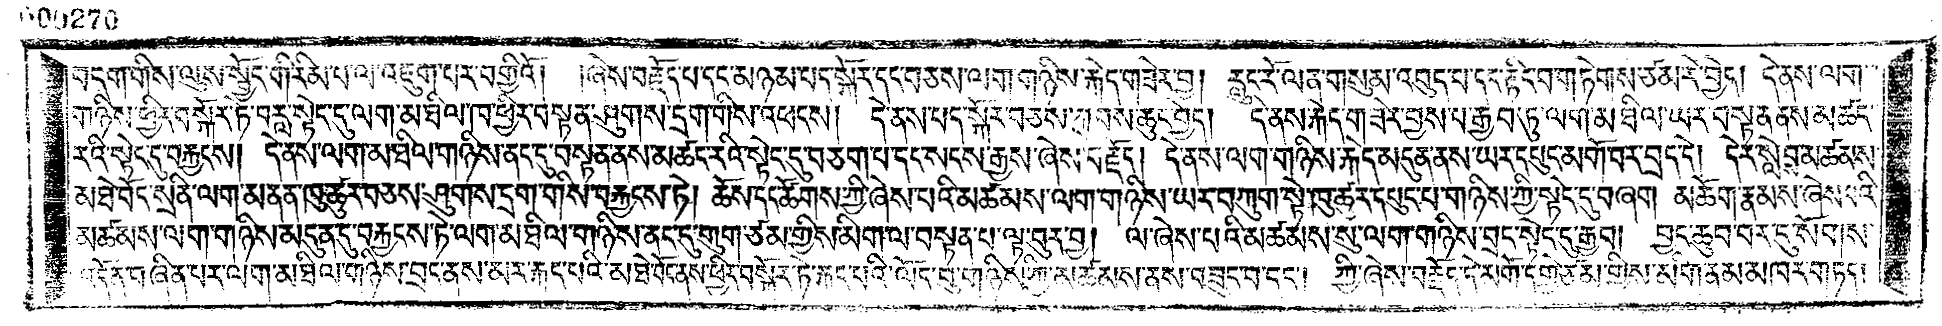བདག་གིས་ལུས་སྦྱོང་གི་རིམ་པ་ལ་འཇུག་པར་བགྱིའོ། །ཞེས་བརྗོད་པ་དང་མཉམ་པད་སྐོར་དང་བཅས་ལག་གཉིས་རྐེད་གཟེར་བྱ། རླུང་རོ་ལན་གསུམ་འབུད་པ་དང་རྟིང་བ་གཏེགས་ཙམ་རེ་བྱེད། དེ་ནས་ལག་
གཉིས་ཕྱིར་བསྐོར་ཏེ་བརླ་སྟེང་དུ་ལག་མཐིལ་ཁ་ཕྱིར་བསྟན་ཤུགས་དྲག་གིས་འཕངས། དེ་ནས་པད་སྐོར་བཅས་ཀྲབས་ཆུང་བྱེད། དེ་ནས་རྐེད་གཟེར་བྱས་པ་རྒྱབ་ཏུ་ལག་མཐིལ་ཡར་བསྟན་ནས་མཚང་
རའི་སྟེང་དུ་བརྐྱངས། དེ་ནས་ལག་མཐིལ་གཉིས་ནང་དུ་བསྟན་ནས་མཚང་རའི་སྟེང་དུ་བཅག་པ་དང་སངས་རྒྱས་ཞེས་བརྗོད། དེ་ནས་ལག་གཉིས་རྐེད་མདུན་ནས་ཡར་དཔུང་མགོ་བར་བྲད་དེ། དེར་སླེབས་མཚམས་
མཐེ་བོང་སྲིན་ལག་མནན་ཁུ་ཚུར་བཅས་ཤུགས་དྲག་གིས་བརྐྱངས་ཏེ། ཆོས་དང་ཚོགས་ཀྱི་ཞེས་པའི་མཚམས་ལག་གཉིས་ཡར་བཀུག་སྟེ་ཁུ་ཚུར་དཔུང་པ་གཉིས་ཀྱི་སྟེང་དུ་བཞག་མཆོག་རྣམས་ཞེས་པའི་
མཚམས་ལག་གཉིས་མདུན་དུ་བརྐྱངས་ཏེ་ལག་མཐིལ་གཉིས་ནང་དུ་གུག་ཙམ་གྱིས་མིག་ལ་བསྟན་པ་ལྟ་བུར་བྱ། ལ་ཞེས་པའི་མཚམས་སུ་ལག་གཉིས་བྲང་སྟེང་དུ་རྒྱབ། བྱང་ཆུབ་བར་དུ་སོགས་
འདོན་བཞིན་པར་ལག་མཐིལ་གཉིས་བྲང་ནས་མར་རྐང་པའི་མཐེ་བོང་ནས་ཕྱིར་བསྐོར་ཏེ་རྐང་པའི་ལོང་བུ་གཉིས་ཀྱི་མཚམས་ནས་བཟུང་བ་དང་། ཀྱི་ཞེས་བརྗོད་དེ་མགོ་དགྱེ་ཙམ་གྱིས་མིག་ནམ་མཁར་གཏད།